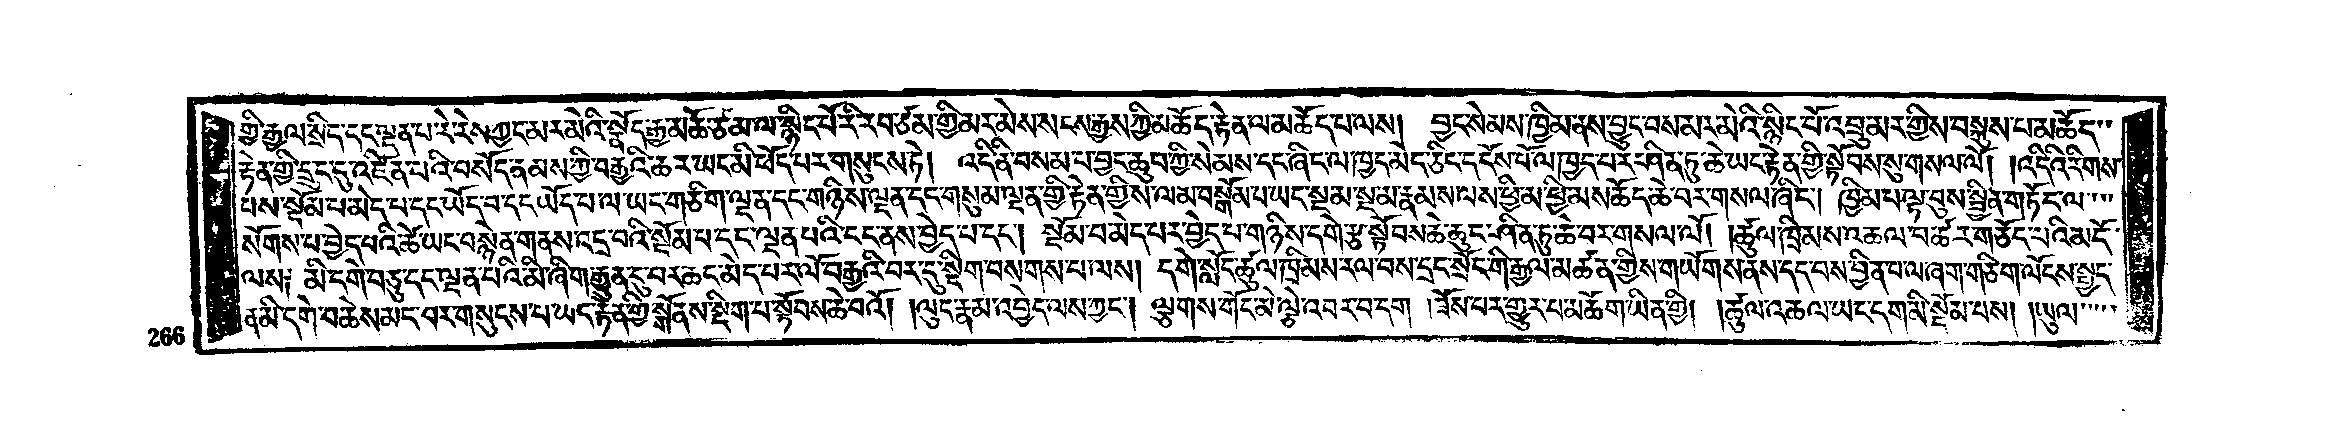གྱི་རྒྱལ་སྲིད་དང་ལྡན་པ་རེ་རེས་ཀྱང་མར་མེའི་སྣོད་རྒྱ་མཚོ་ཙམ་ལ་སྙིང་པོ་རི་རབ་ཙམ་གྱི་མར་མེས་སངས་རྒྱས་ཀྱི་མཆོད་རྟེན་ལ་མཆོད་པ་ལས། བྱང་སེམས་ཁྱིམ་ནས་བྱུང་བས་མར་མེའི་སྙིང་པོ་འབྲུ་མར་གྱིས་བསྐུས་པ་མཆོད་
རྟེན་གྱི་དྲུང་དུ་འཛིན་པའི་བསོད་ནམས་ཀྱི་བརྒྱའི་ཆར་ཡང་མི་ཕོད་པར་གསུངས་ཏེ། འདི་ནི་བསམ་པ་བྱང་ཆུབ་ཀྱི་སེམས་དང་ཞིང་ལ་ཁྱད་མེད་ཅིང་དངོས་པོ་ལ་ཁྱད་པར་ཤིན་ཏུ་ཆེ་ཡང་རྟེན་གྱི་སྟོབས་སུ་གསལ་ལོ། །འདིའི་རིགས་
པས་སྡོམ་པ་མེད་པ་དང་ཡོད་པ་དང་ཡོད་པ་ལ་ཡང་གཅིག་ལྡན་དང་གཉིས་ལྡན་དང་གསུམ་ལྡན་གྱི་རྟེན་གྱིས་ལམ་བསྒོམ་པ་ཡང་སྔ་མ་སྔ་མ་རྣམས་ལས་ཕྱི་མ་ཕྱི་མས་ཆོད་ཆེ་བར་གསལ་ཞིང་། ཁྱིམ་པ་ལྟ་བུས་སྦྱིན་གཏོང་ལ་
སོགས་པ་བྱེད་པའི་ཚེ་ཡང་བསྙེན་གནས་འདྲ་བའི་སྡོམ་པ་དང་ལྡན་པའི་ངང་ནས་བྱེད་པ་དང་། སྡོམ་པ་མེད་པར་བྱེད་པ་གཉིས་དགེ་རྩ་སྟོབས་ཆེ་ཆུང་ཤིན་ཏུ་ཆེ་བར་གསལ་ལོ། །ཚུལ་ཁྲིམས་འཆལ་བ་ཚར་གཅོད་པའི་མདོ་
ལས༑ མི་དགེ་བཅུ་དང་ལྡན་པའི་མི་ཞིག་རྒྱུན་དུ་བར་ཆད་མེད་པར་ལོ་བརྒྱའི་བར་དུ་སྡིག་བསགས་པ་ལས། དགེ་སློང་ཚུལ་ཁྲིམས་རལ་བས་དྲང་སྲོང་གི་རྒྱལ་མཚན་གྱིས་གཡོགས་ནས་དད་པས་བྱིན་པ་ལ་ཞག་གཅིག་ལོངས་སྤྱད་
ན་མི་དགེ་བ་ཆེས་མང་བར་གསུངས་པ་ཡང་རྟེན་གྱི་སྒོ་ནས་སྡིག་པ་སྟོབས་ཆེ་བའོ། །ལུང་རྣམ་འབྱེད་ལས་ཀྱང་། ལྕགས་གོང་མེ་ལྕེ་འབར་བ་དག །ཟོས་པར་གྱུར་པ་མཆོག་ཡིན་གྱི། །ཚུལ་འཆལ་ཡང་དག་མི་སྡོམ་པས། །ཡུལ་